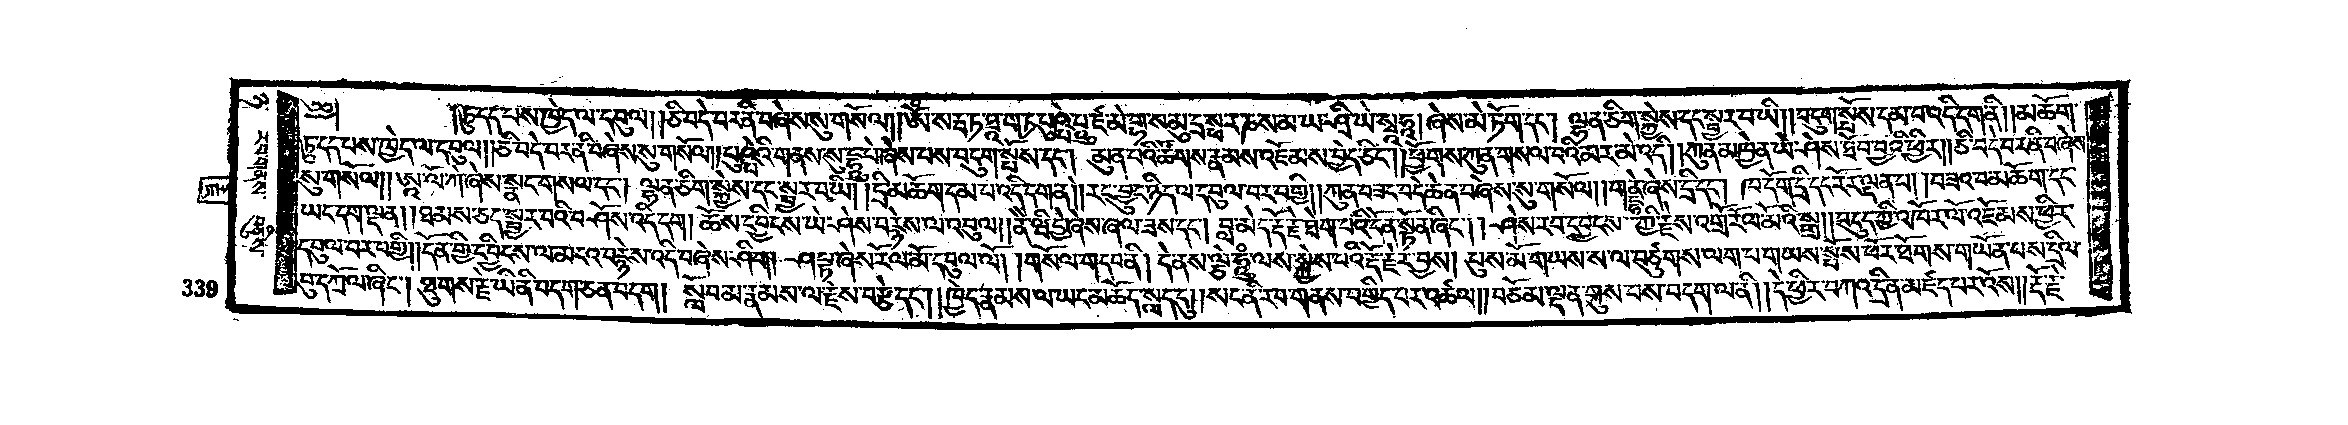༄༅། །ཏུ་དད་པས་ཁྱེད་ལ་དབུལ། །ཅི་བདེ་བར་ནི་བཞེས་སུ་གསོལ། །ཨོཾ་སརྦ་ཏ་ཐཱ་ག་ཏ་པུཥྤེ་པཱུ་ཛ་མེ་གྷ་ས་མུ་དྲ་སྥ་ར་ཎ་ས་མ་ཡ་ཤྲི་ཡེ་སྭཱཧཱ། ཞེས་མེ་ཏོག་དང་། ལྷན་ཅིག་སྐྱེས་དང་སྦྱར་བ་ཡི། །བདུག་སྤོས་དམ་པ་འདི་དག་ནི། །མཆོག་
ཏུ་དད་པས་ཁྱེད་ལ་དབུལ། །ཅི་བདེ་བར་ནི་བཞེས་སུ་གསོལ། །པུཥྤེའི་གནས་སུ་དྷཱུ་པེ་ཞེས་པས་བདུག་སྤོས་དང་། མུན་པའི་ཚོགས་རྣམས་འཇོམས་བྱེད་ཅིང་། །ཕྱོགས་ཀུན་གསལ་བའི་མར་མེ་འདི། །ཀུན་མཁྱེན་ཡེ་ཤེས་ཐོབ་བྱའི་ཕྱིར། །ཅི་བདེ་བར་ནི་བཞེས་
སུ་གསོལ། །ཨཱ་ལོ་ཀེ་ཞེས་སྣང་གསལ་དང་། ལྷན་ཅིག་སྐྱེས་དང་སྦྱར་བ་ཡི། །དྲི་མཆོག་དམ་པ་འདི་དག་ནི། །རང་བྱུང་ཉིད་ལ་དབུལ་བར་བགྱི། །ཀུན་བཟང་བདེ་ཆེན་བཞེས་སུ་གསོལ། །གནྡྷེ་ཞེས་དྲི་དང་། ཁ་དོག་དྲི་དང་རོར་ལྡན་པ། །བཟའ་བ་མཆོག་དང་
ཡང་དག་ལྡན། །ཐམས་ཅད་སྦྱར་བའི་བཤོས་འདི་དག །ཆོས་དབྱིངས་ཡེ་ཤེས་བརྙེས་ལ་འབུལ། །ནཻ་ཝི་དྱེ་ཞེས་ཞལ་ཟས་དང་། བླ་མེད་རྡོ་རྗེ་ཐེག་པའི་དོན་སྟོན་ཞིང་། །ཤེས་རབ་དབྱངས་ཀྱི་རྗེས་འགྲོ་རོལ་མོའི་སྒྲ། །བདུད་ཀྱི་འཁོར་ལོ་འཇོམས་ཕྱིར་
དབུལ་བར་བགྱི། །དོན་གྱི་དབྱིངས་ལ་མངའ་བརྙེས་འདི་བཞེས་ཤིག །ཤཔྟ་ཞེས་རོལ་མོ་དབུལ་ལོ། །གསོལ་གདབ་ནི། དེ་ནས་ལྕེ་ཧཱུཾ་ལས་སྐྱེས་པའི་རྡོ་རྗེར་བྱས། པུས་མོ་གཡས་ས་ལ་བཙུགས་ལག་པ་གཡས་སྤོས་ཕོར་ཐོགས་གཡོན་པས་དྲིལ་
བུ་དཀྲོལ་ཞིང་། ཐུགས་རྗེ་ཡི་ནི་བདག་ཅན་བདག །སློབ་མ་རྣམས་ལ་རྗེས་བརྩེ་དང་། །ཁྱེད་རྣམས་ལ་ཡང་མཆོད་སླད་དུ། །སང་ནི་རབ་གནས་བགྱིད་པར་འཚལ། །བཅོམ་ལྡན་གུས་པས་བདག་ལ་ནི། །དེ་ཕྱིར་བཀའ་དྲིན་མཛད་པར་འོས། །རྡོ་རྗེ་